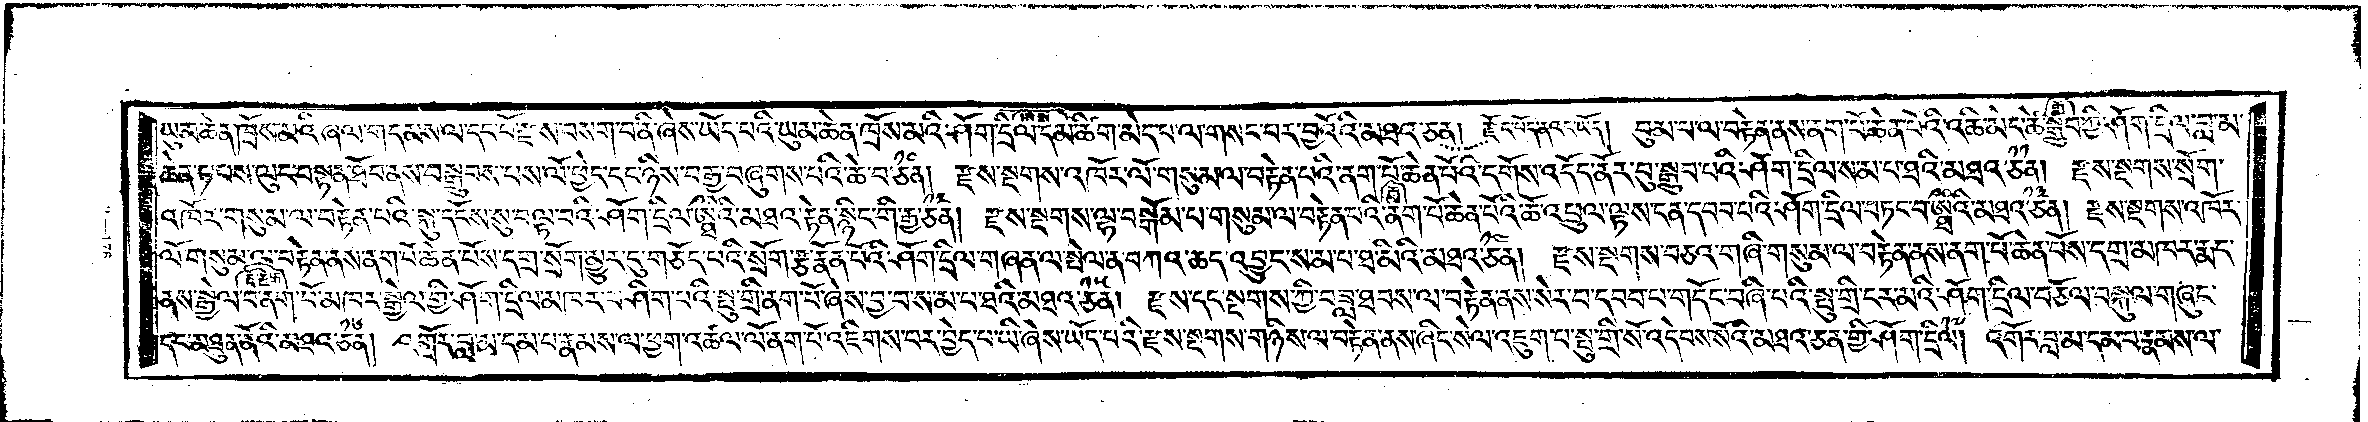ཡུམ་ཆེན་ཁྲོས་མའི་ཞལ་གདམས་ལ་དང་པོ་རྫས་བསག་པ་ནི་ཞེས་ཡོད་པའི་ཡུམ་ཆེན་ཁྲོས་མའི་ཤོག་དྲིལ་དམ་ཚིག་མེད་པ་ལ་གསང་བར་བྱའོའི་མཐའ་ཅན། རྫོང་པོད་ནའང་ཡོད།  བུམ་པ་ལ་བརྟེན་ནས་ནག་པོ་ཆེན་པོའི་འཆི་མེད་ཚེ་སྒྲུབ་ཀྱི་ཤོག་དྲིལ་བླ་མ་
ཆེན་ཏ་པས་ལུང་བསྟན་ཐོབ་ནས་བསྒྲུབས་པས་ལོ་ཕྱེད་དང་ཉིས་བརྒྱ་བཞུགས་པའི་ཆེ་བ་ཅན། རྫས་སྔགས་འཁོར་ལོ་གསུམ་ལ་བརྟེན་པའི་ནག་པོ་ཆེན་པོའི་དགོས་འདོད་ནོར་བུ་སྒྲུབ་པའི་ཤོག་དྲིལ་ས་མ་པ་ཐའི་མཐའ་ཅན། རྫས་སྔགས་སྲོག་
འཁོར་གསུམ་ལ་བརྟེན་པའི་སྐུ་དངོས་སུ་བལྟ་བའི་ཤོག་དྲིལ་ཨིཐིའི་མཐའ་རྟེན་སྙིང་གི་རྒྱ་ཅན། རྫས་སྔགས་ལྷ་བསྒོམ་པ་གསུམ་ལ་བརྟེན་པའི་ནག་པོ་ཆེན་པོའི་ཆོ་འཕྲུལ་ལྟས་ངན་དབབ་པའི་ཤོག་དྲིལ་བཏང་བ་ཨིཐིའི་མཐའ་ཅན། རྫས་སྔགས་འཁོར་
ལོ་གསུམ་ལ་བརྟེན་ནས་ནག་པོ་ཆེན་པོས་དགྲ་སྲོག་མྱུར་དུ་གཅོད་པའི་སྲོག་རྩ་རྣོན་པོའི་ཤོག་དྲིལ་གཞན་ལ་སྤེལ་ན་བཀའ་ཆད་འབྱུང་ས་མ་པ་ཐ་མིའི་མཐའ་ཅན། རྫས་སྔགས་བཅའ་གཞི་གསུམ་ལ་བརྟེན་ནས་ནག་པོ་ཆེན་པོས་དགྲ་མཁར་རྨད་
ནས་སྒྱེལ་བ་ནག་པོ་མཁར་སྒྱེལ་གྱི་ཤོག་དྲིལ་མཁར་པ་ཤིག་པའི་སྤུ་གྲི་ནག་པོ་ཞེས་བྱ་བ་ས་མ་པ་ཐའི་མཐའ་ཅན། རྫས་དང་སྔགས་ཀྱི་བཟླ་ཐབས་ལ་བརྟེན་ནས་སེར་བ་དབབ་པ་གདོང་བཞི་པའི་སྤུ་གྲི་ངར་མའི་ཤོག་དྲིལ་བཅོལ་བསྐུལ་གཞུང་
དང་མཐུན་ནོའི་མཐའ་ཅན། འགྲོར་བླ་མ་དམ་པ་རྣམས་ལ་ཕྱག་འཚལ་ལོ་ནག་པོ་འཇིགས་པར་བྱེད་པ་ཡི་ཞེས་ཡོད་པའི་རྫས་སྔགས་གཉིས་ལ་བརྟེན་ནས་ཞིང་སེལ་འཇུག་པ་སྤུ་གྲི་སོ་འདེབས་སོའི་མཐའ་ཅན་གྱི་ཤོག་དྲིལ། འགོར་བླ་མ་དམ་པ་རྣམས་ལ་